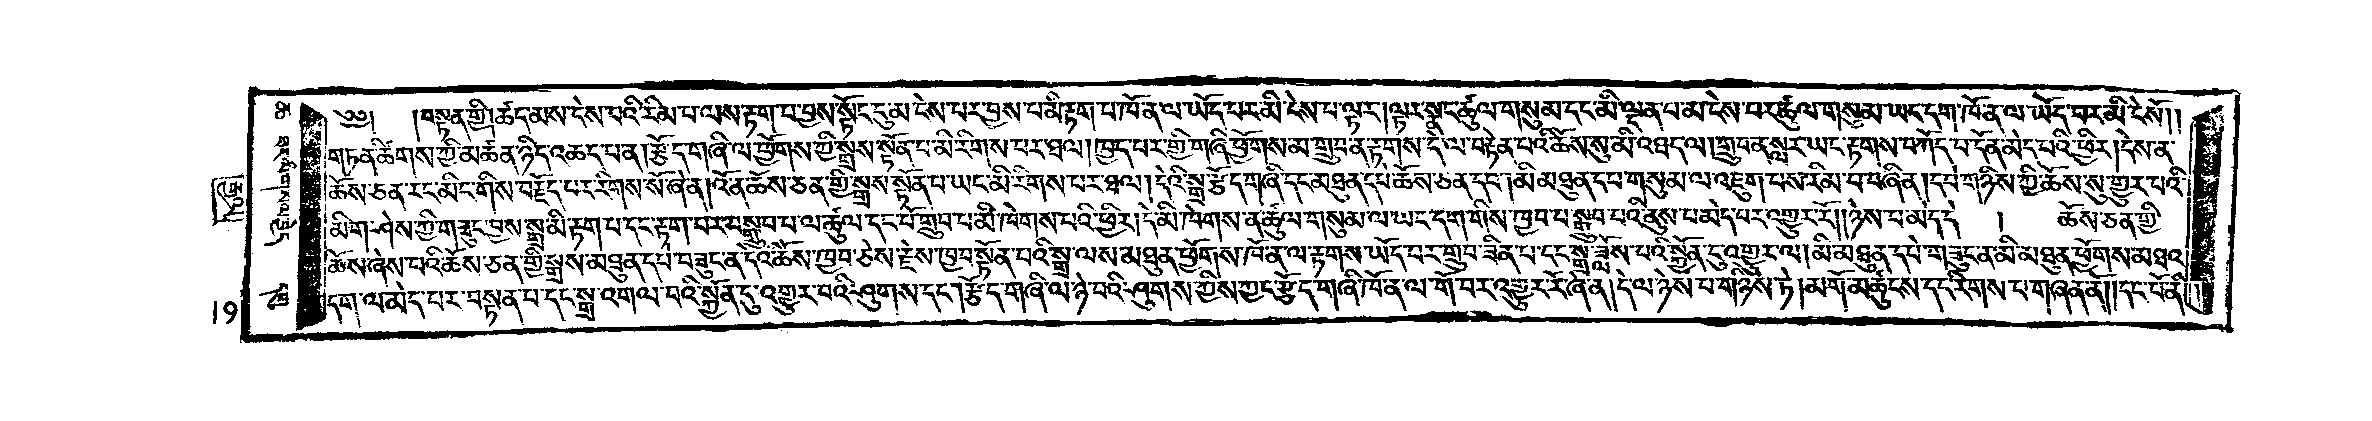༄༅། །བསྟན་གྱི། ཚད་མས་ངེས་པའི་རིམ་པ་ལས་རྟག་པ་བྱས་སྟོང་དུ་མ་ངེས་པར་བྱས་པ་མི་རྟག་པ་ཁོ་ན་ལ་ཡོད་པར་མི་ངེས་པ་ལྟར། ལྟར་སྣང་ཚུལ་གསུམ་དང་མི་ལྡན་པ་མ་ངེས་པར་ཚུལ་གསུམ་ཡང་དག་ཁོ་ན་ལ་ཡོད་པར་མི་ངེས་སོ།།
གཏན་ཚིགས་ཀྱི་མཚན་ཉིད་འཆད་པ་ན། རྩོད་གཞི་ལ་ཕྱོགས་ཀྱི་སྒྲས་སྟོན་པ་མི་རིགས་པར་ཐལ། ཁྱད་པར་གྱི་གཞི་ཕྱོགས་མ་གྲུབ་ན་རྟགས་དེ་ལ་བརྟེན་པའི་ཆོས་སུ་མི་འཐད་ལ། གྲུབ་ན་སླར་ཡང་རྟགས་བཀོད་པ་དོན་མེད་པའི་ཕྱིར། དེས་ན་
ཆོས་ཅན་རང་མིང་གིས་བརྗོད་པར་རིགས་སོ་ཞེ་ན། འོ་ན་ཆོས་ཅན་གྱི་སྒྲས་སྟོན་པ་ཡང་མི་རིགས་པར་ཐལ། དེའི་སྒྲ་རྩོད་གཞི་དང་མཐུན་དཔེ་ཆོས་ཅན་དང་།མི་མཐུན་དཔེ་གསུམ་ལ་འཇུག་པས་རིམ་པ་བཞིན། དཔེ་གཉིས་ཀྱི་ཆོས་སུ་གྱུར་པའི་
མིག་ཤེས་ཀྱི་གཟུང་བྱས་སྒྲ་མི་རྟག་པ་དང་རྟག་པར་བསྒྲུབ་པ་ལ་ཚུལ་དང་པོ་གྲུབ་པ་མི་ཁེགས་པའི་ཕྱིར། དེ་མི་ཁེགས་ན་ཚུལ་གསུམ་ལ་ཡང་དག་གིས་ཁྱབ་པ་སྒྲུབ་པའི་ནུས་པ་མེད་པར་འགྱུར་རོ། །ཉེས་པ་མེད་དེ་།?  ཆོས་ཅན་གྱི་
ཆོས་ཞེས་པའི་ཆོས་ཅན་གྱི་སྒྲས་མཐུན་དཔེ་བཟུང་ན་དེའི་ཆོས་ཁྱབ་ཅེས་རྗེས་ཁྱབ་སྟོན་པའི་སྒྲ་ལས་མཐུན་ཕྱོགས་ཁོ་ན་ལ་རྟགས་ཡོད་པར་གྲུབ་ཟིན་པ་དང་སྒྲ་ཟློས་པའི་སྐྱོན་དུ་འགྱུར་ལ། མི་མཐུན་དཔེ་གཟུང་ན་མི་མཐུན་ཕྱོགས་མཐའ་
དག་ལ་མེད་པར་བསྟན་པ་དང་སྒྲ་འགལ་བའི་སྐྱོན་དུ་འགྱུར་བའི་ཤུགས་དང་། རྩོད་གཞི་ལ་ཉེ་བའི་ཤུགས་ཀྱིས་ཀྱང་རྩོད་གཞི་ཁོ་ན་ལ་གོ་བར་འགྱུར་རོ་ཞེ་ན། དེ་ལ་ཉེས་པ་གཉིས་ཏེ། མགོ་མཚུངས་དང་རིགས་པ་གཞན་ནོ། །དང་པོ་ནི།།